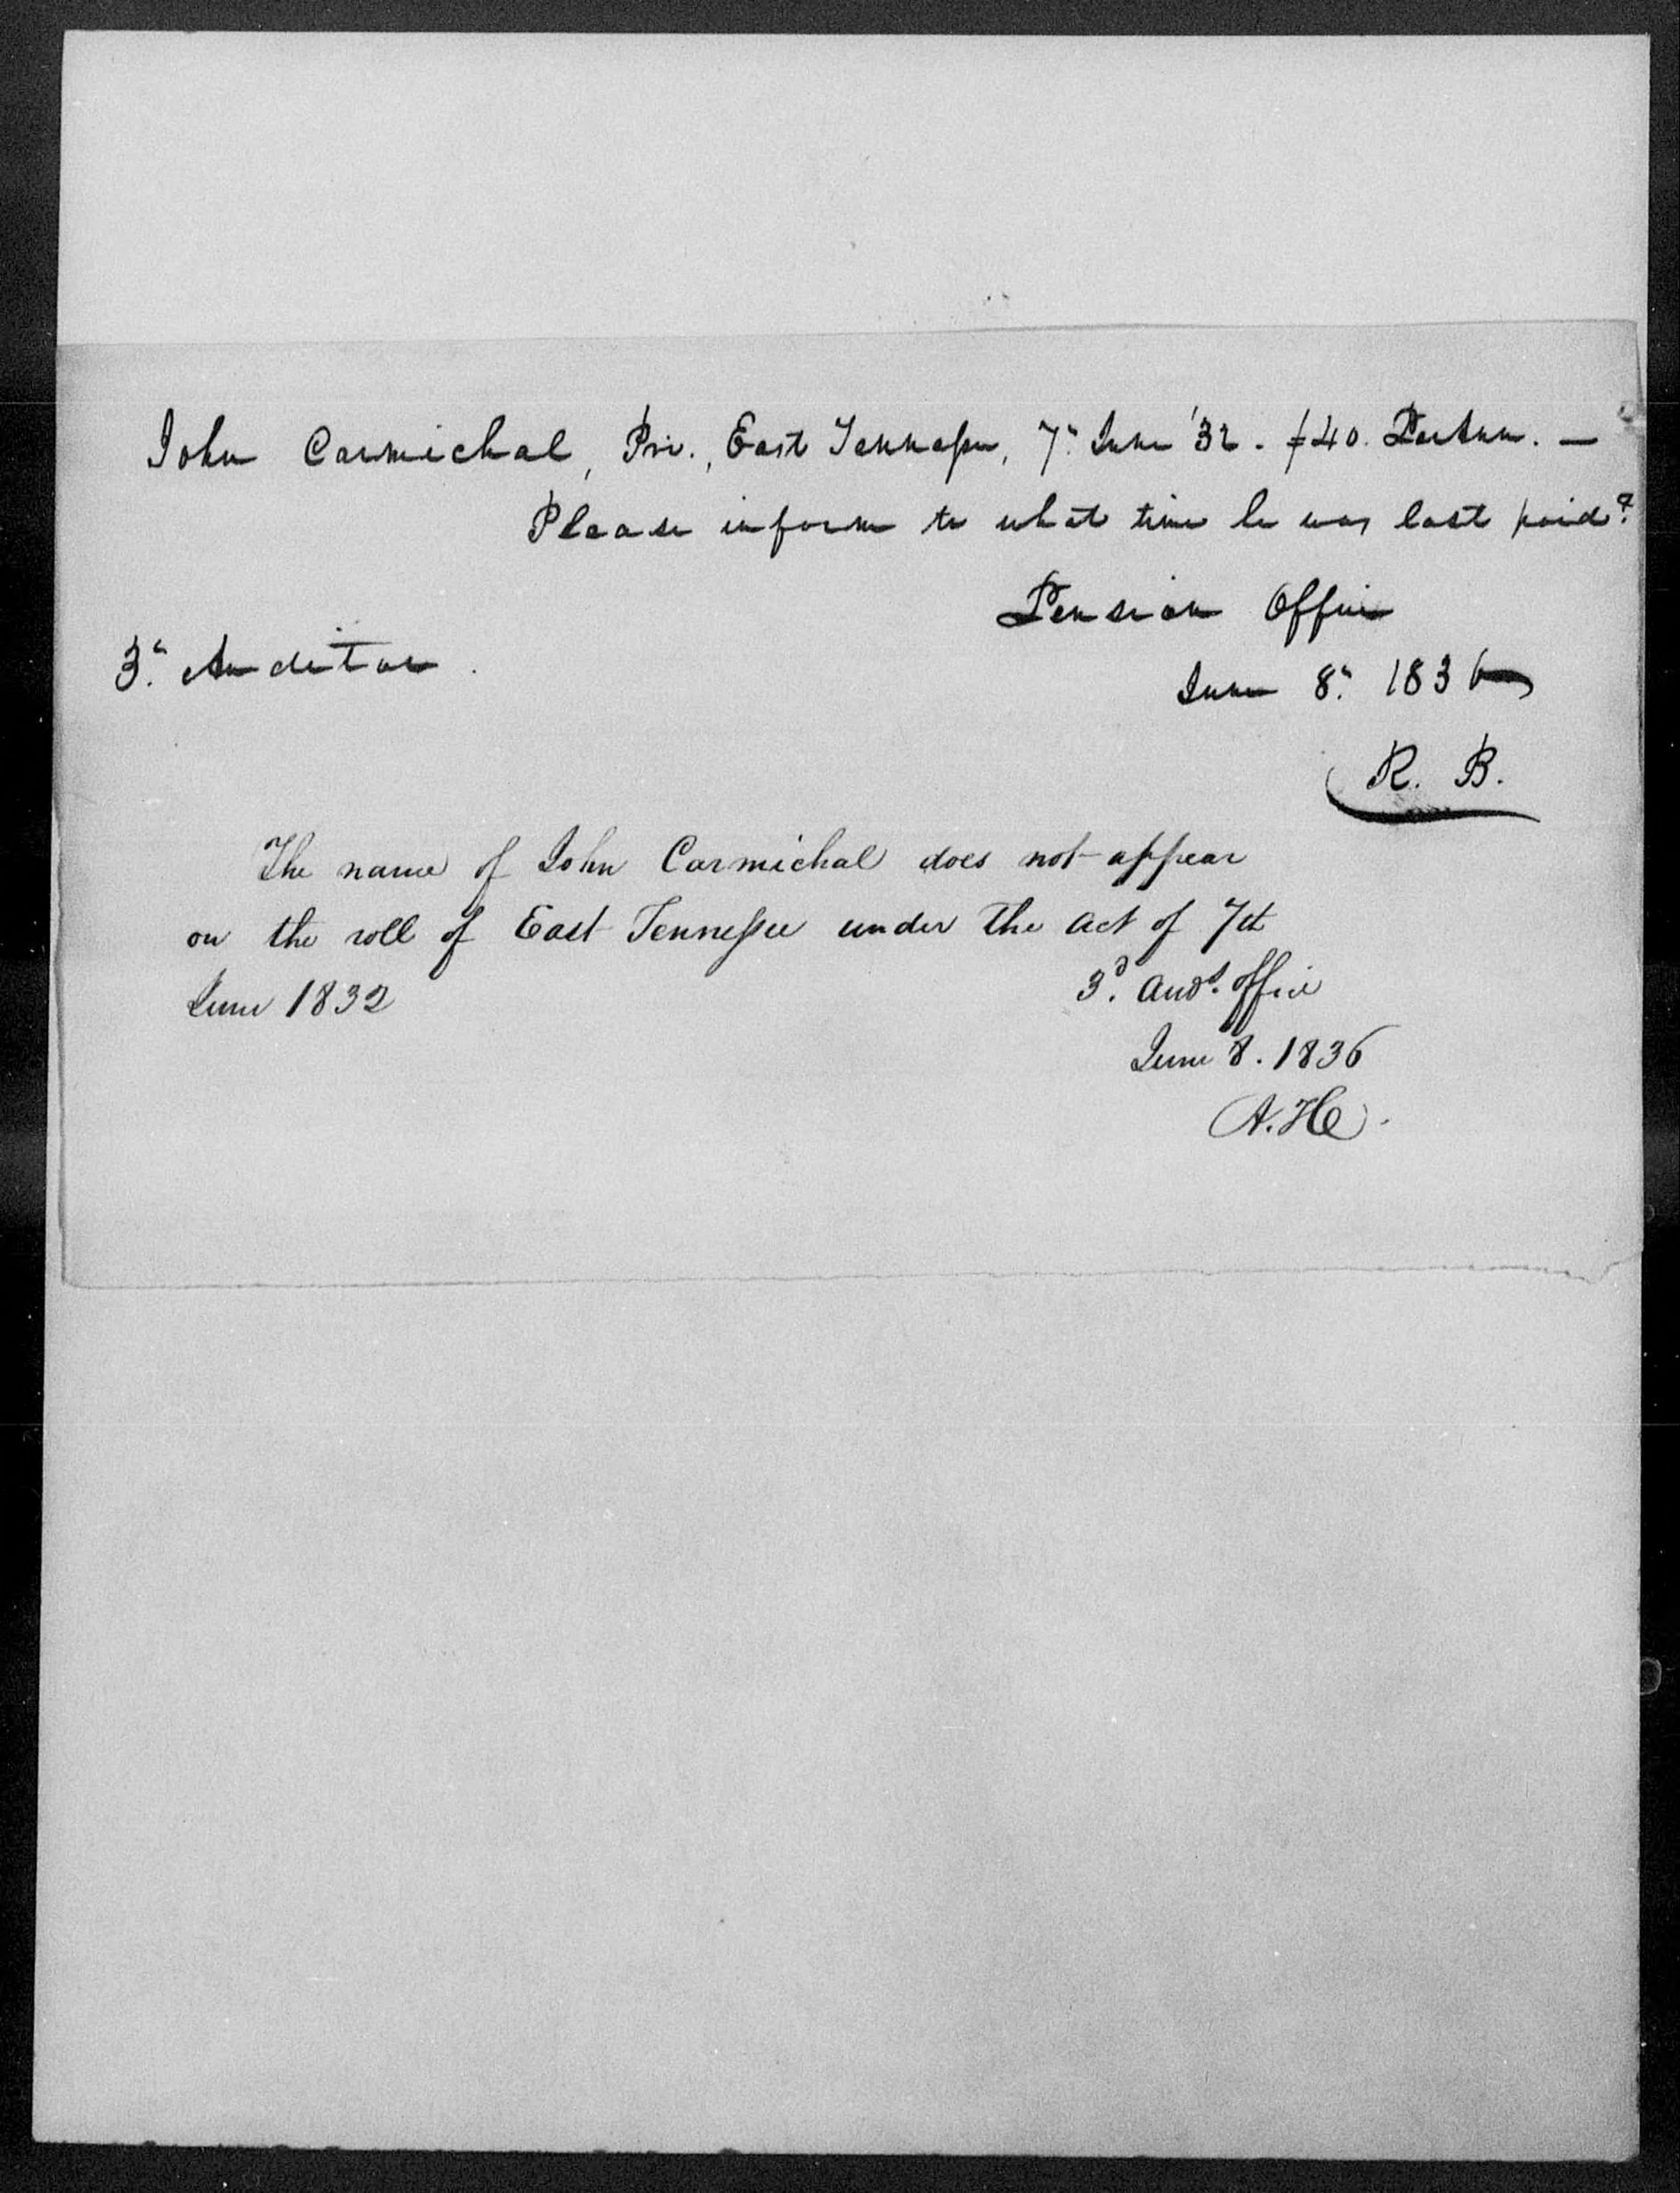John Carmichal, Pvt, East Tennason 7th June '32. $40 Per Ann- Please inform to waht time he was last paid?
3rd [illegible] Pension Office
June 8th 1836
R.B

The name of John Carmichal does not appear on the roll of East Tenneson under the Act of 7th June 1832
3rd Aud. Office
June 8, 1836
A. He.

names: John Carmichal, John Carmichal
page: 12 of 42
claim: survivor's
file: S. 31,595, John Carmickele, Penn.